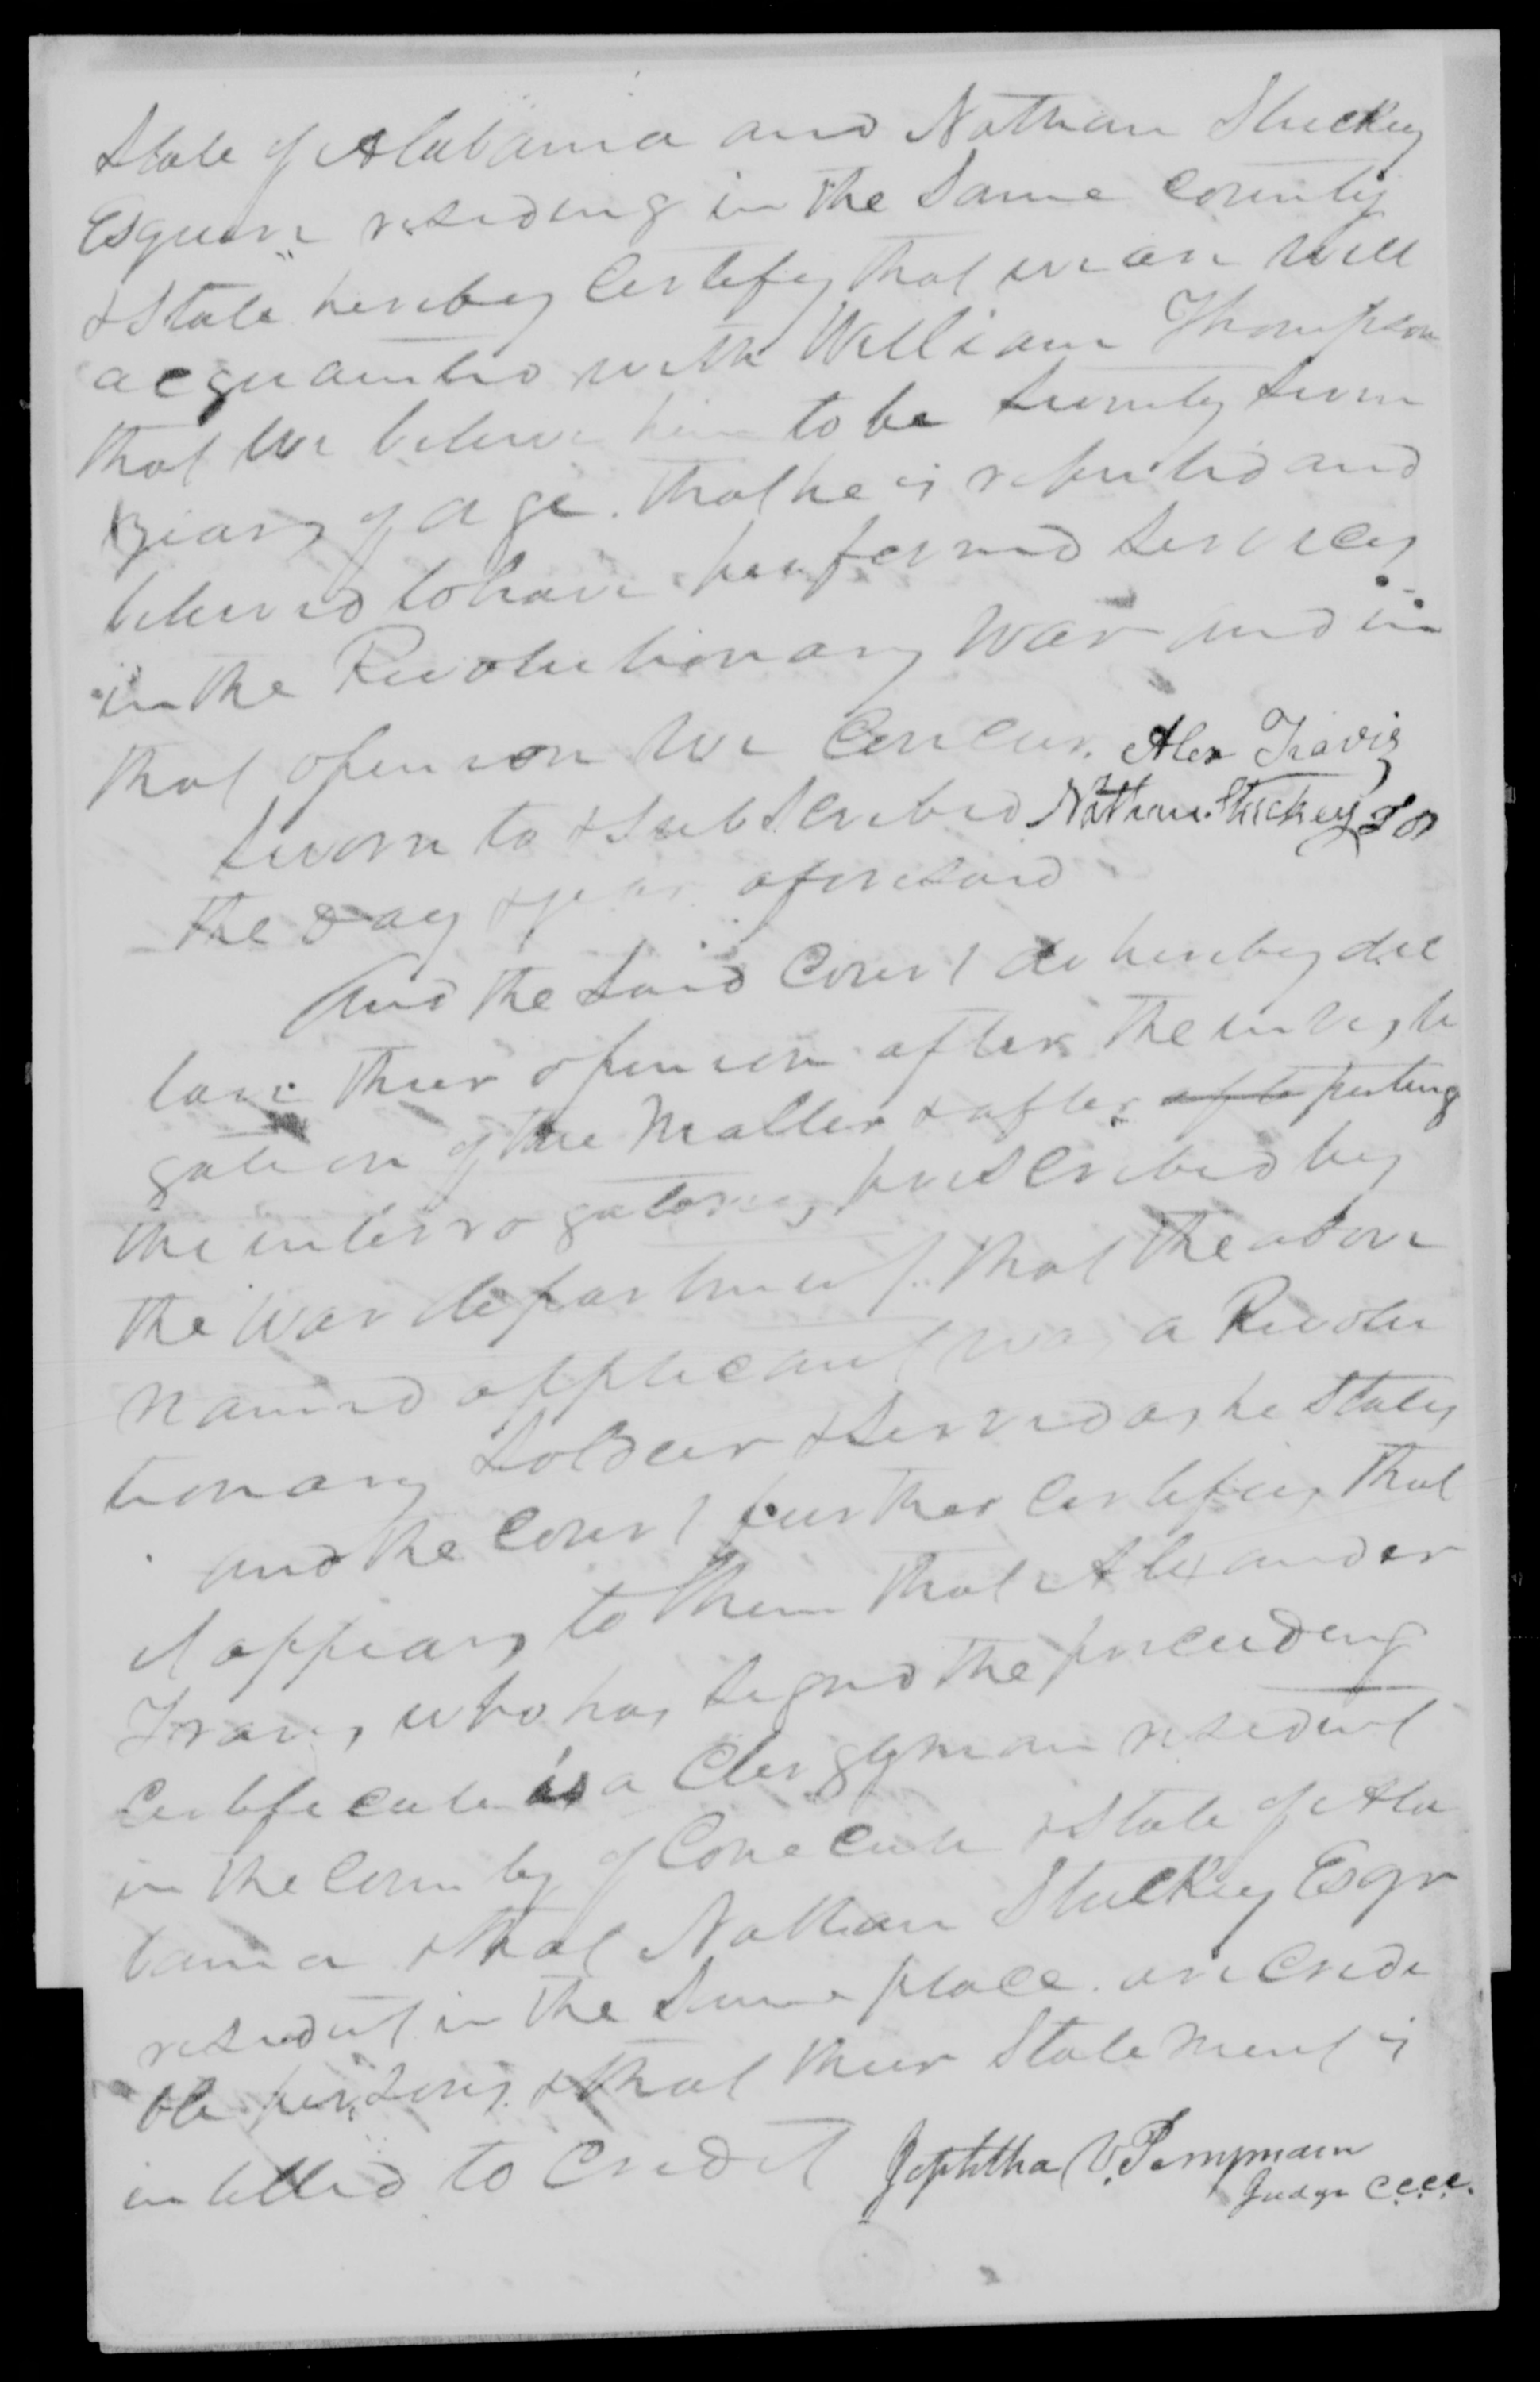State of Alabama and Nathan Stickney Esquire residing in the same County & State hereby certify that we are well acquainted with William Thompson that we believe him to be seventy seven
year of age that he is reputed and believed to have performed service in the Revolutionary War and in that opinion we concur, 
Alex Travis
Nathan Stickney [signatures]

Sworn to & Subscribed the day & year as aforesaid

And the said Court do hereby declare their opinion after the investigation of the matter & after putting the interrogatory prescribed by the War depart. That the above named applicant was a Revolutionary Soldier & served as he states, and the Court further certifies that it appears to them that Alexander Travis, who has signed the preceding certificate is a Clergyman resident in the County of Conecuh State of Alabama & that Nathan Stickney Esqr resident in the same place are credible persons that their statement is entitled to credit 
Jeptha V. Pennyman Judge C.C.C.C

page: 10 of 16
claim: rejected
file: R. 10561, for William Thompson, South Carolina